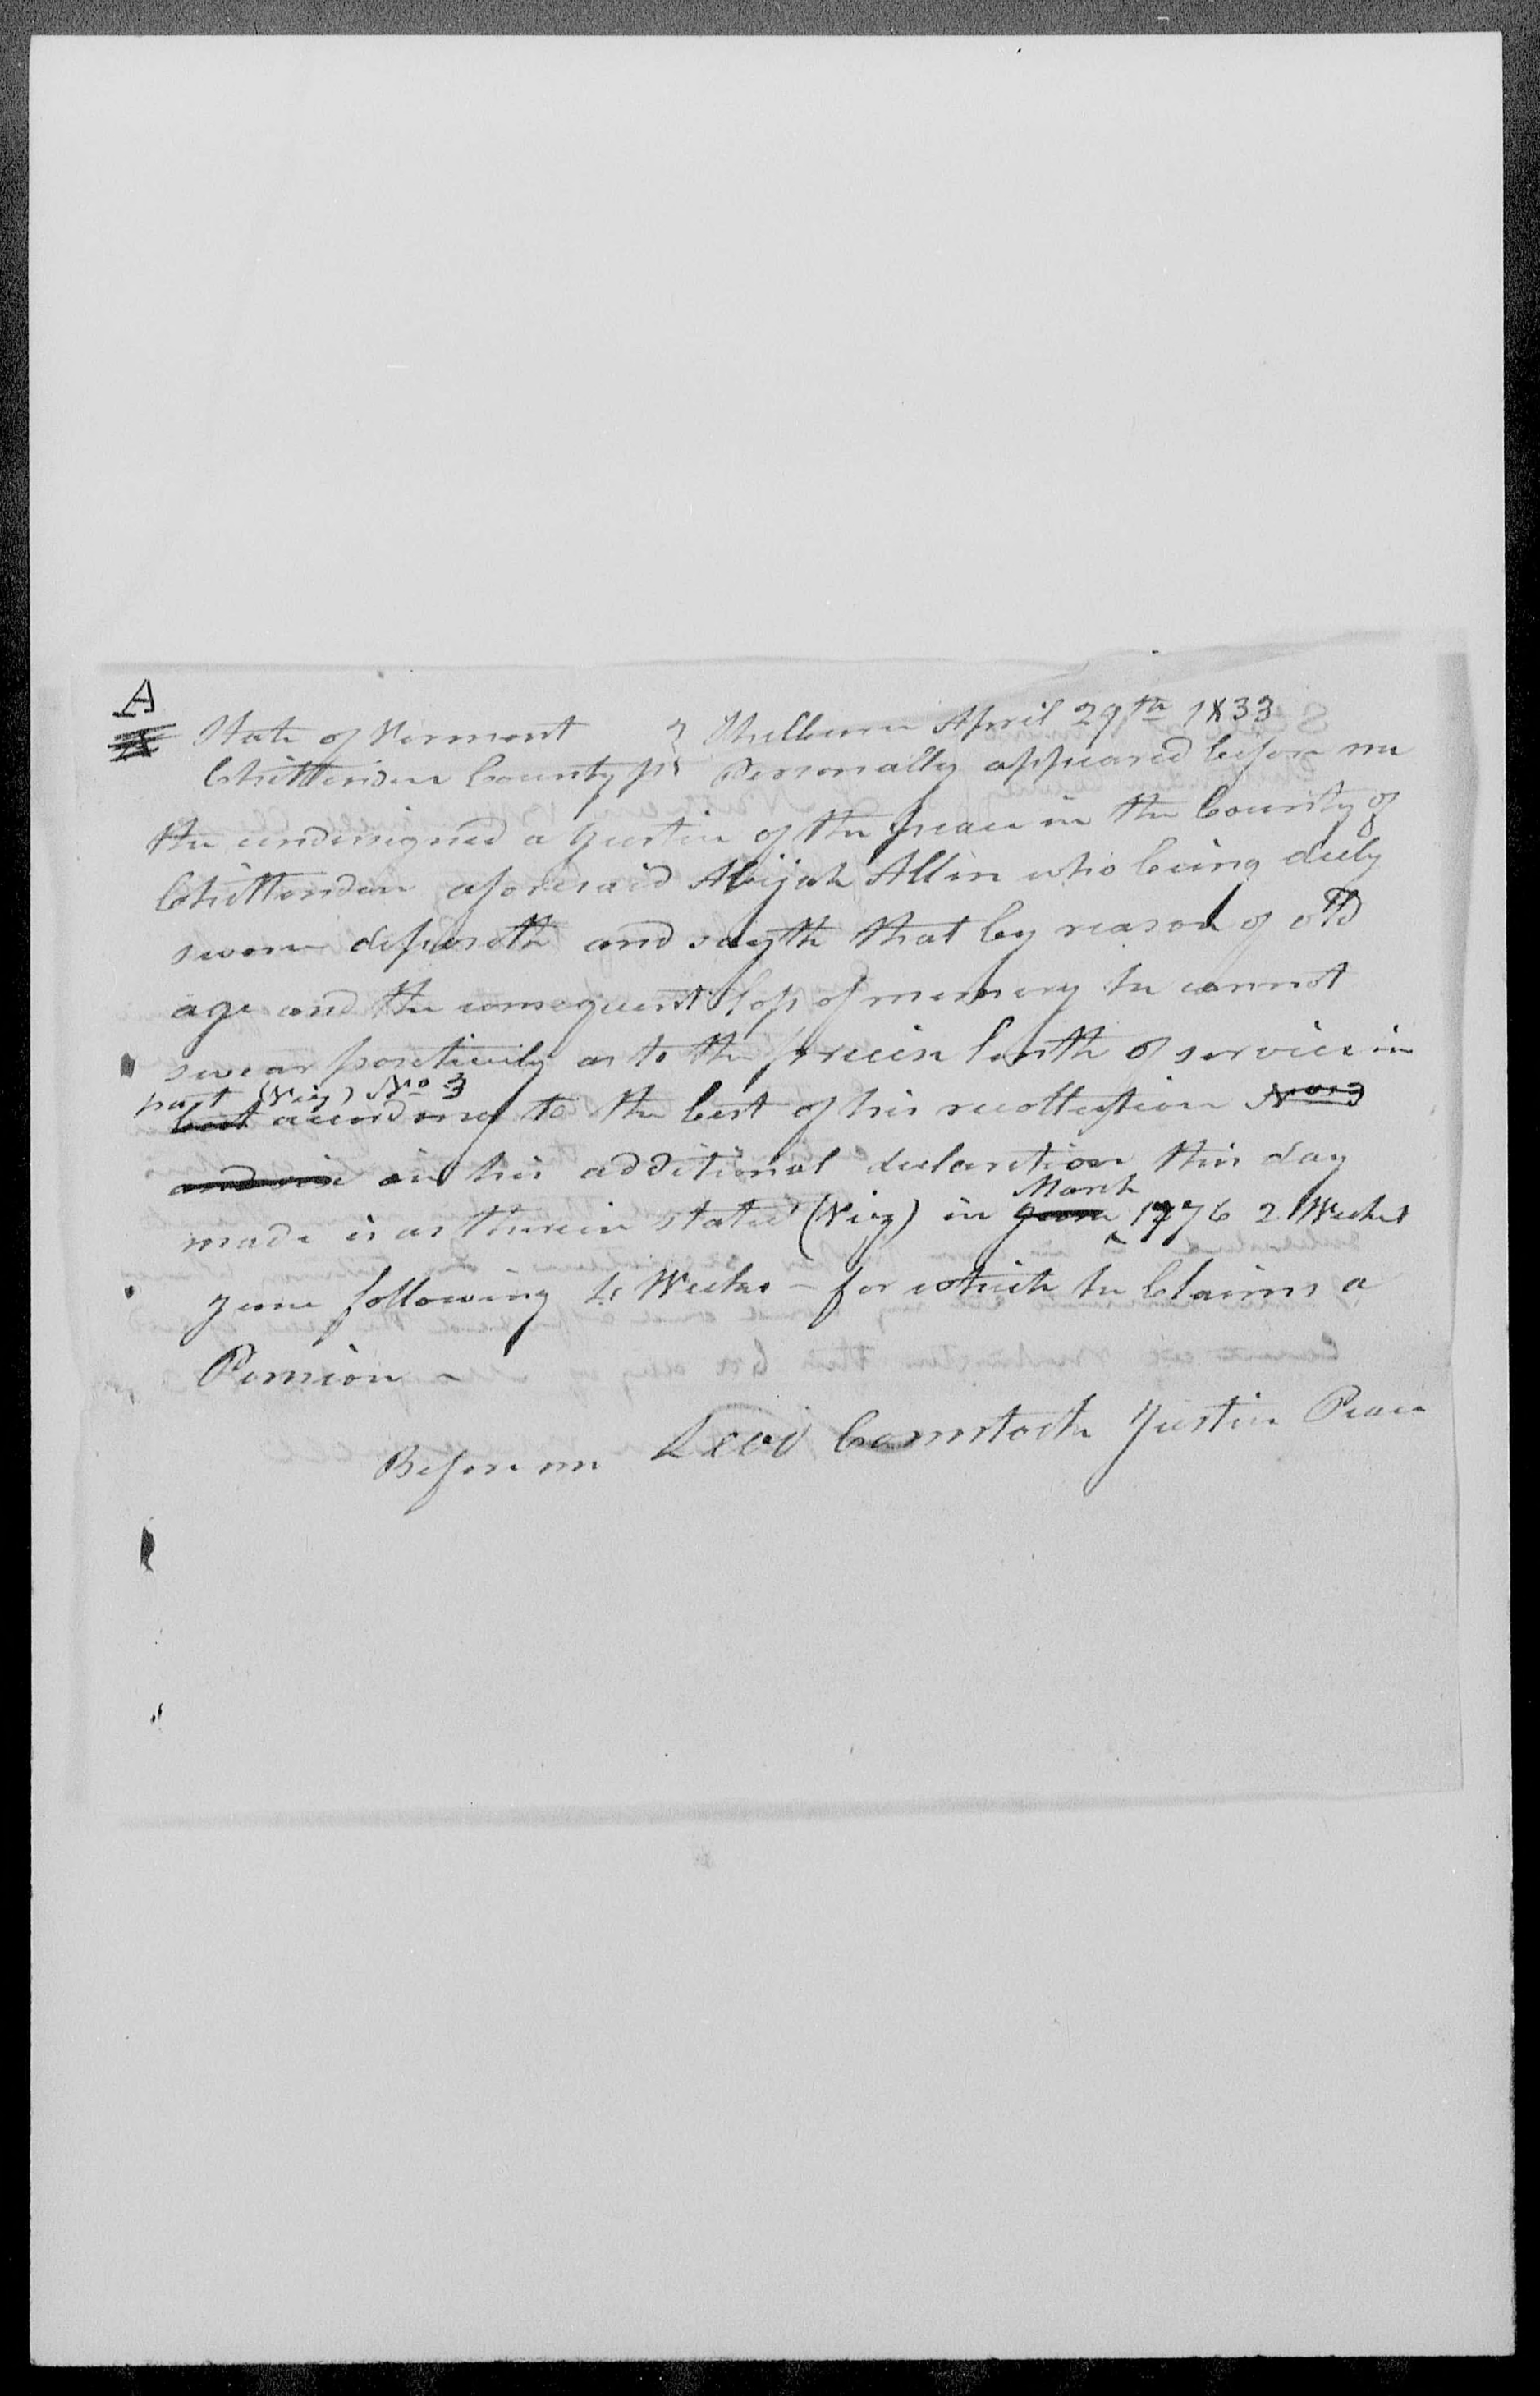A
State of Vermont 
Chittenden County 
Shelburn April 29th 1833
personally appeared before me the undersigned a Justice of the Peace in the County of Chittenden aforesaid Abijah Allen who being duly sworn deposeth and sayth that by reason of old age and the consequent lap of memory he cannot swear positively on the precise lenth [length?] of service in part No.3 accord and to the best of his recollection and his additional declaration this day made is as therein stated ([illegible]) in March 1776 2 weeks June following 4 weeks for which he claims a pension.
Before Me Levi Comstock Justice of the Peace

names: Abijah Allin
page: 5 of 21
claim: survivor's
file: S. 15356, Abijah Allen, Mass.